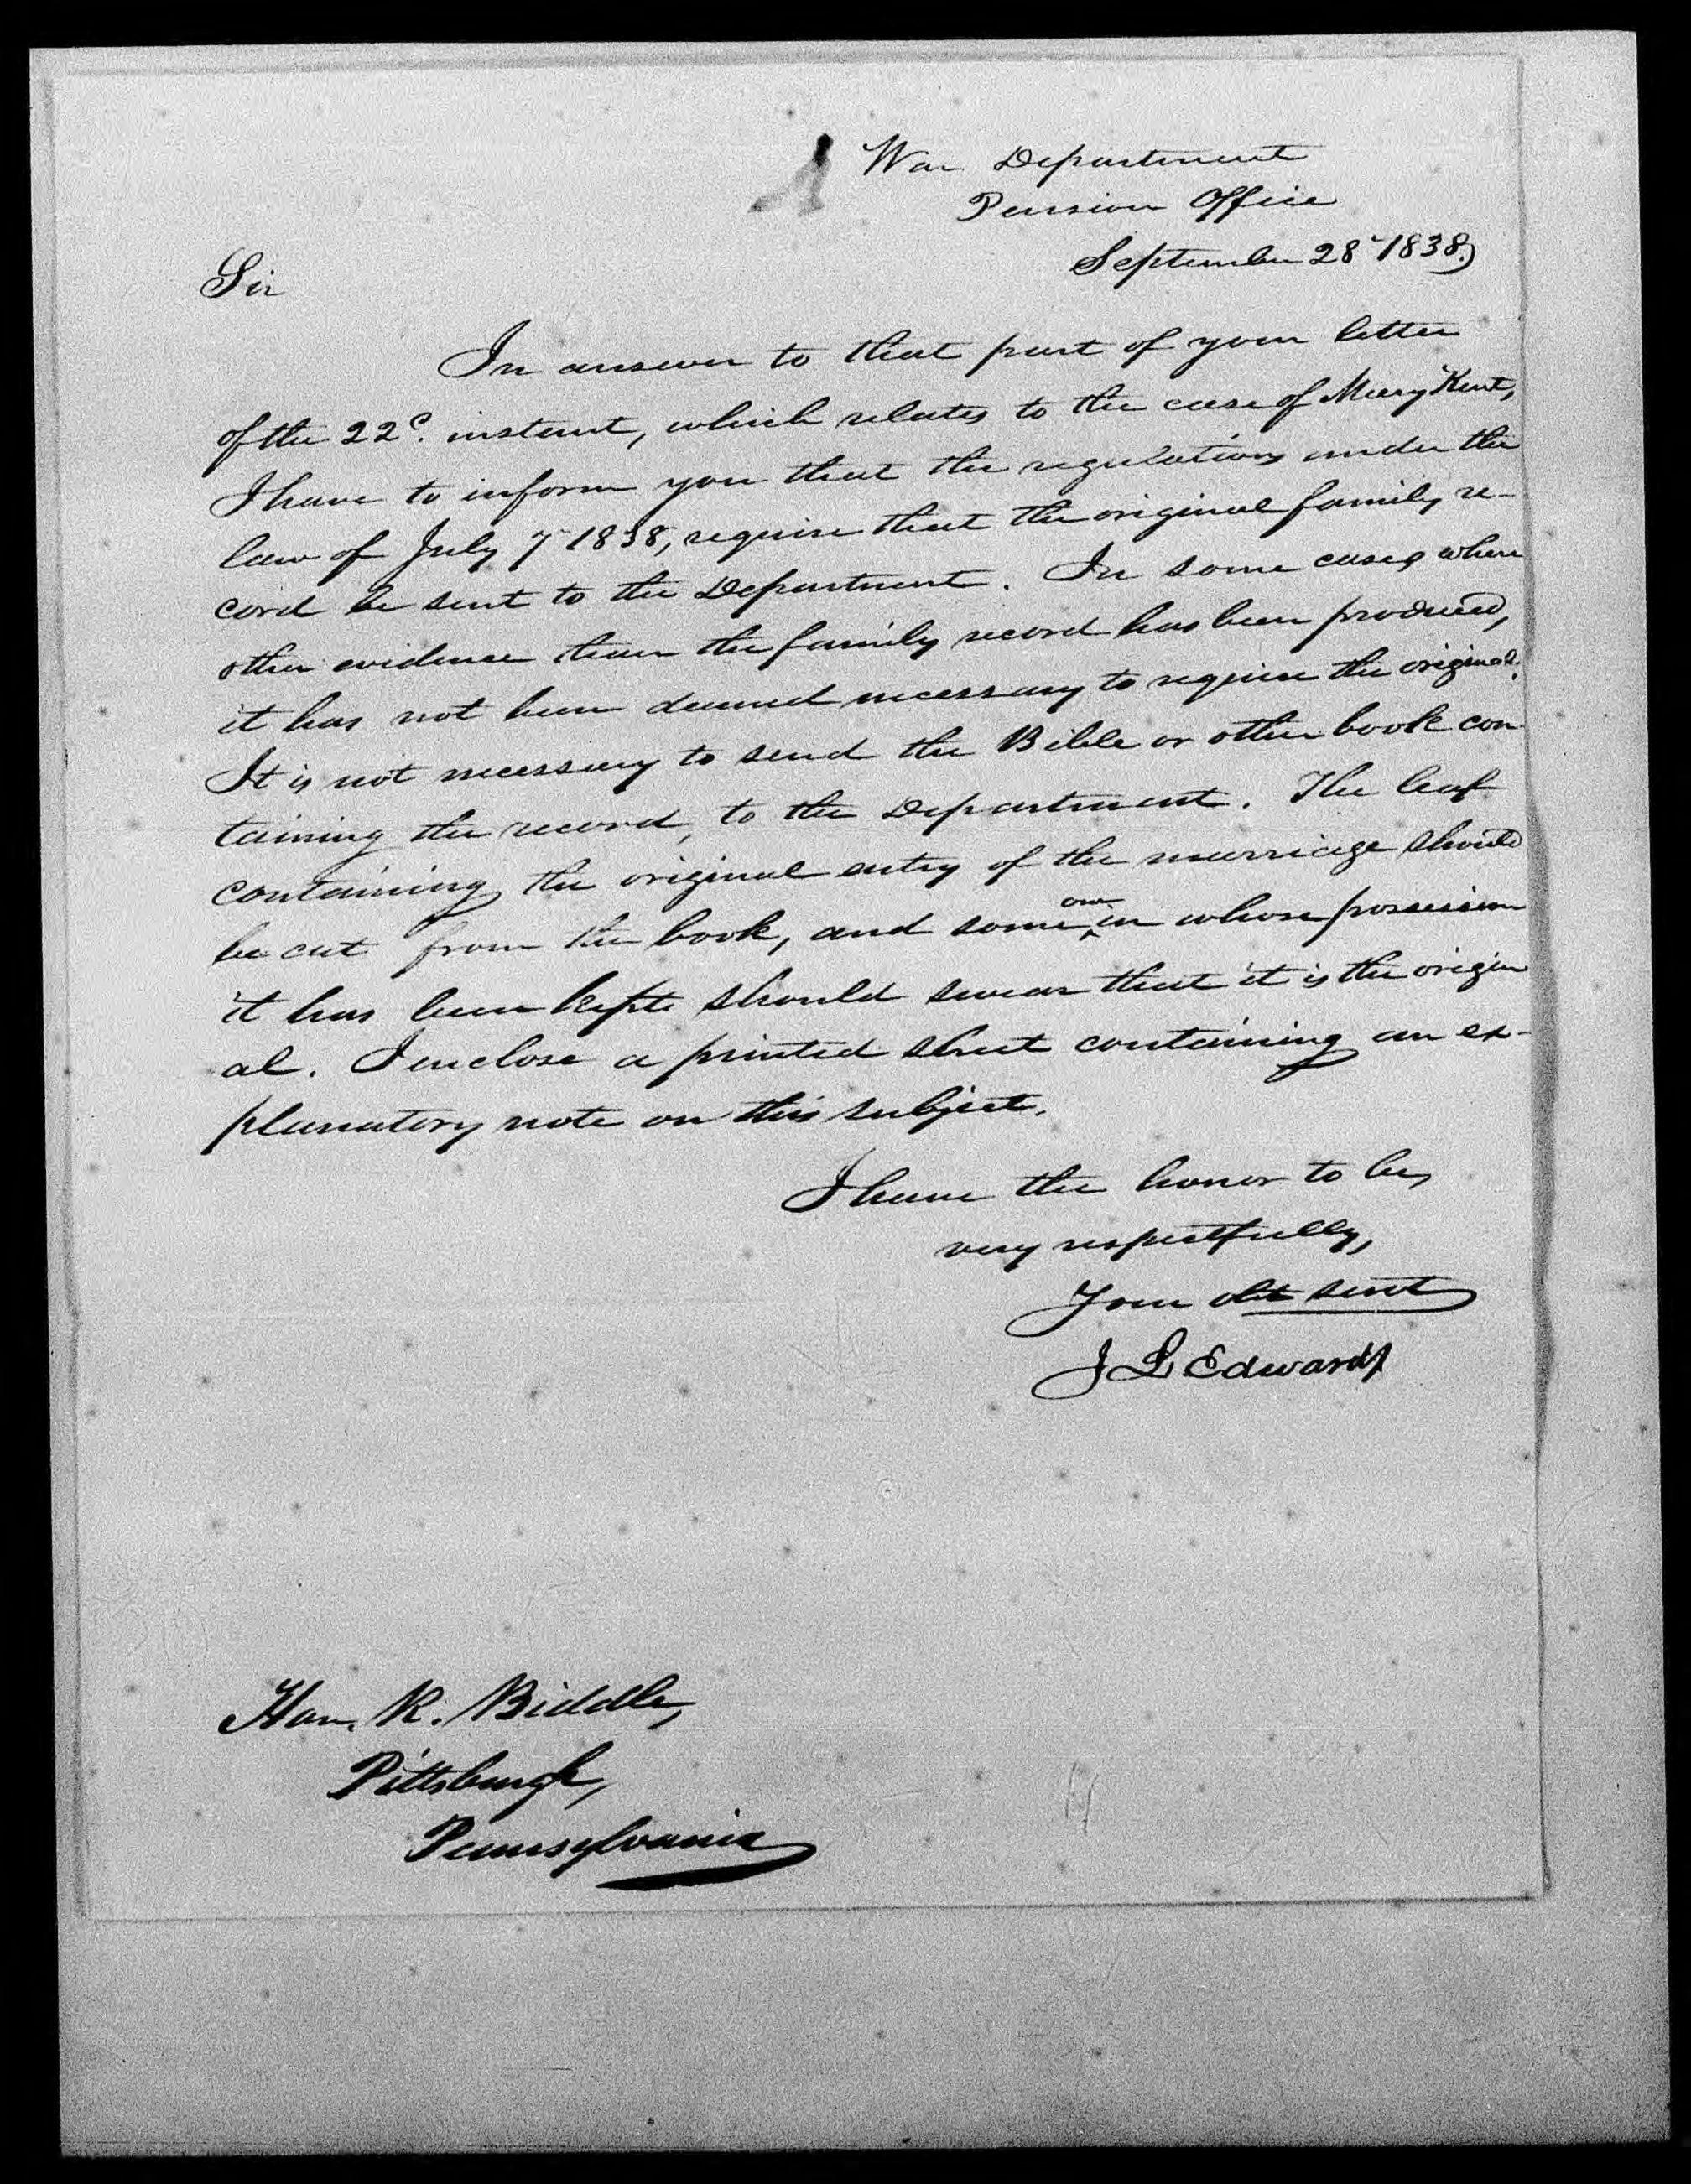War Department
Pension Office
September 18 1838.

Sir
In answer to that part of your letter of the 22@. instant, which relates to the case of Mary Kent, I have to inform you that the regulation under the law of July 7 1783, requires that the original family record be sent to the Department. In some cases when other evidence than the family record has been produced, it has not been deemed necessary to require the original. It is not necessary to send the Bible or other book containing the record, to the Department. The leaf containing the original entry of the marriage should be cut from the book, and some one in whose possession it has been kept should swear that it is the original. I enclose a printed sheet containing an explanatory note on this subject.
I have the honor to be
very respectfully,
Your obt sevt
J L Edwards

Hon. R. Biddle,
Pittsburgh,
Pennsylvania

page: 35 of 50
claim: widow's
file: W. 4253, for John Kent, Vermont